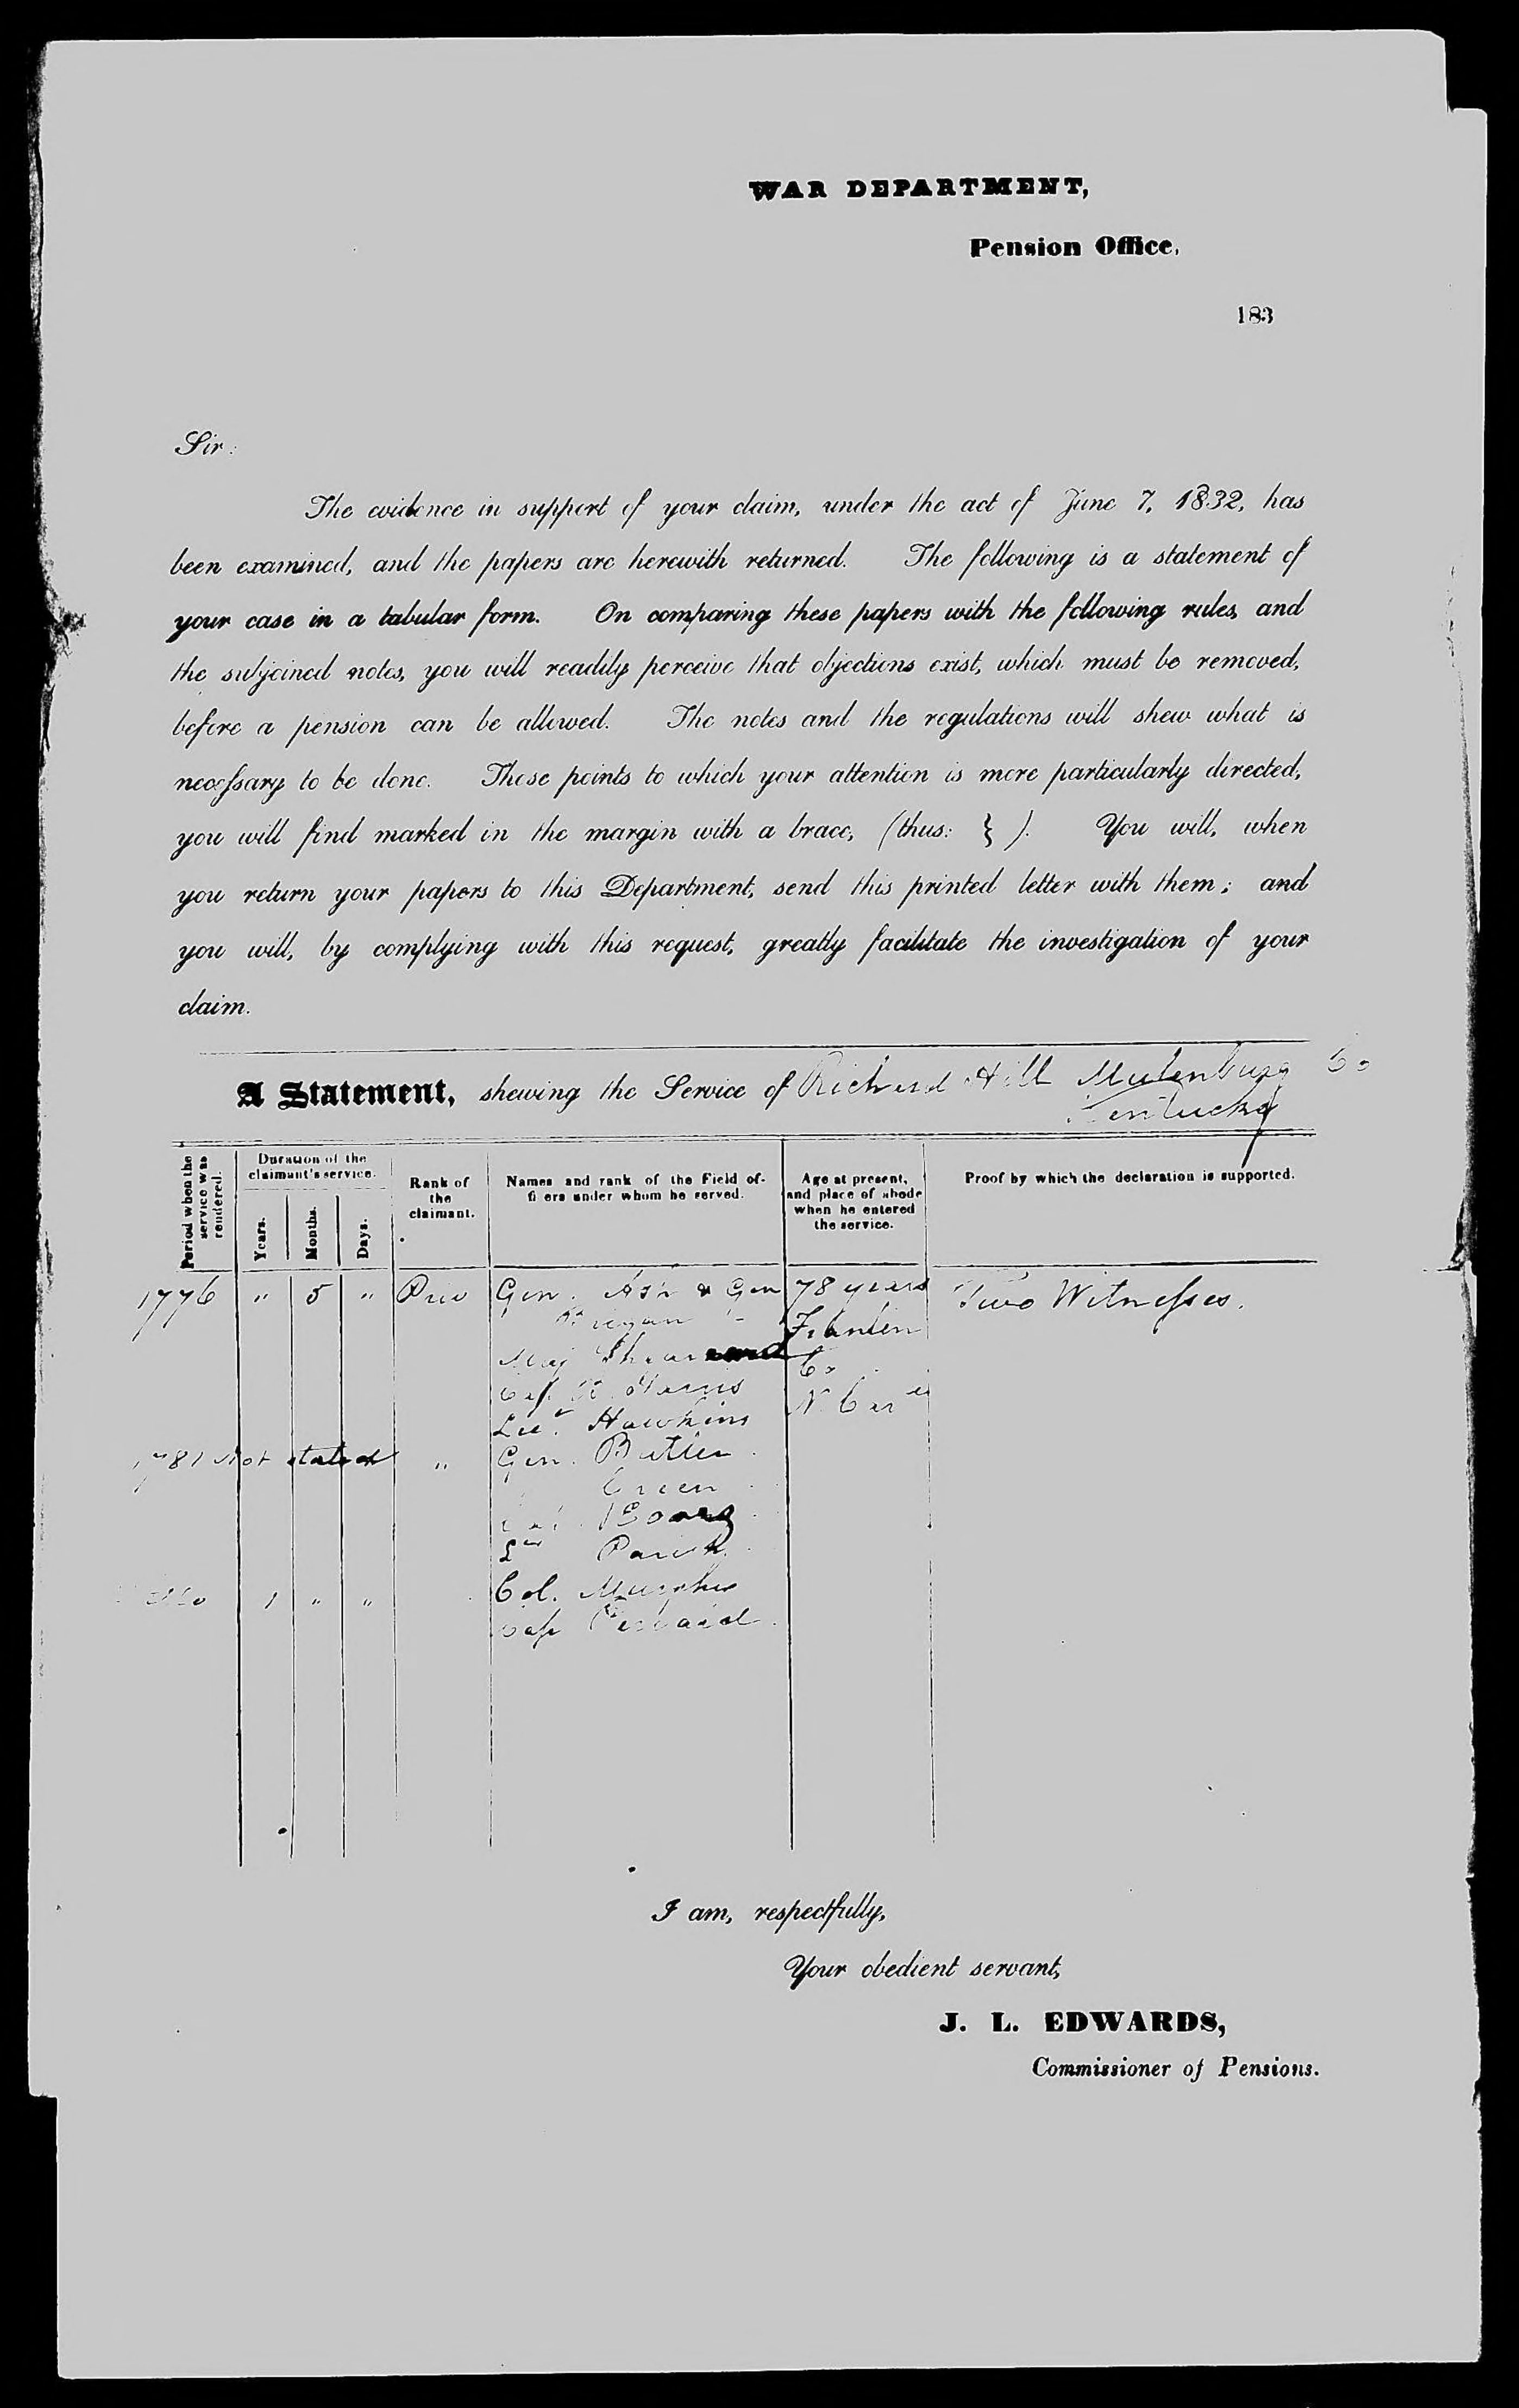[typed form, with handwritten responses]

WAR DEPARTMENT
PENSION OFFICE

Sir:

The evidence in support of your claim, under the act of June 7, 1832, has been examined, and the papers are herewith returned. The following is a statement of your case in a tabular form. On comparing these papers with the following rules and the subjoined notes you will readily perceive that objections exist, which must be removed, before a pension can be allowed. The notes and the regulations will show what is necessary to be done these points to which your attention is more particularly directed, you will find marked in the margin with a brace, (these:}). You will, when you return your papers to this Department, send this printed letter with them; and you will, by complying with this request, greatly facilitate the investigation of your claim.
A STATEMENT, showing the Service of Richard Hill Mulenburg Co. [Muhlenberg County] Kentucky

[column headings: Period when the service rendered / Duration of the claimant’s service. Year Month Day / Rank of the claimant / Names and Rank of the Field officers under whom he served. / Age at present, and place of abode when he entered the service. / Proof by which the declaration is supported.]
1776 / 5 months/ private / Gen. Ash & Gen. Breyan; Maj. Sheareard; Capt. Harris; Lee Hawkins N Car / 78 years at present / Two Witnesses

1781 / duration Not Stated; Private / Gen. Butler; Gen. Green; Capt [Illegible]; [Illegible; Col. Murphy; Capt [Illegible]

I am, respectfully,
Your obedient servant,
J. L. EDWARDS,
Commissioner of Pensions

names: Pickard, Hawkins, Butler, Evars, Sheareard, Murphy, Green, Parish, Ash, Breyan, J L Edwards, K Harris, Richard Hill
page: 13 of 27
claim: rejected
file: R. 5006, Richard Hill, N.C.